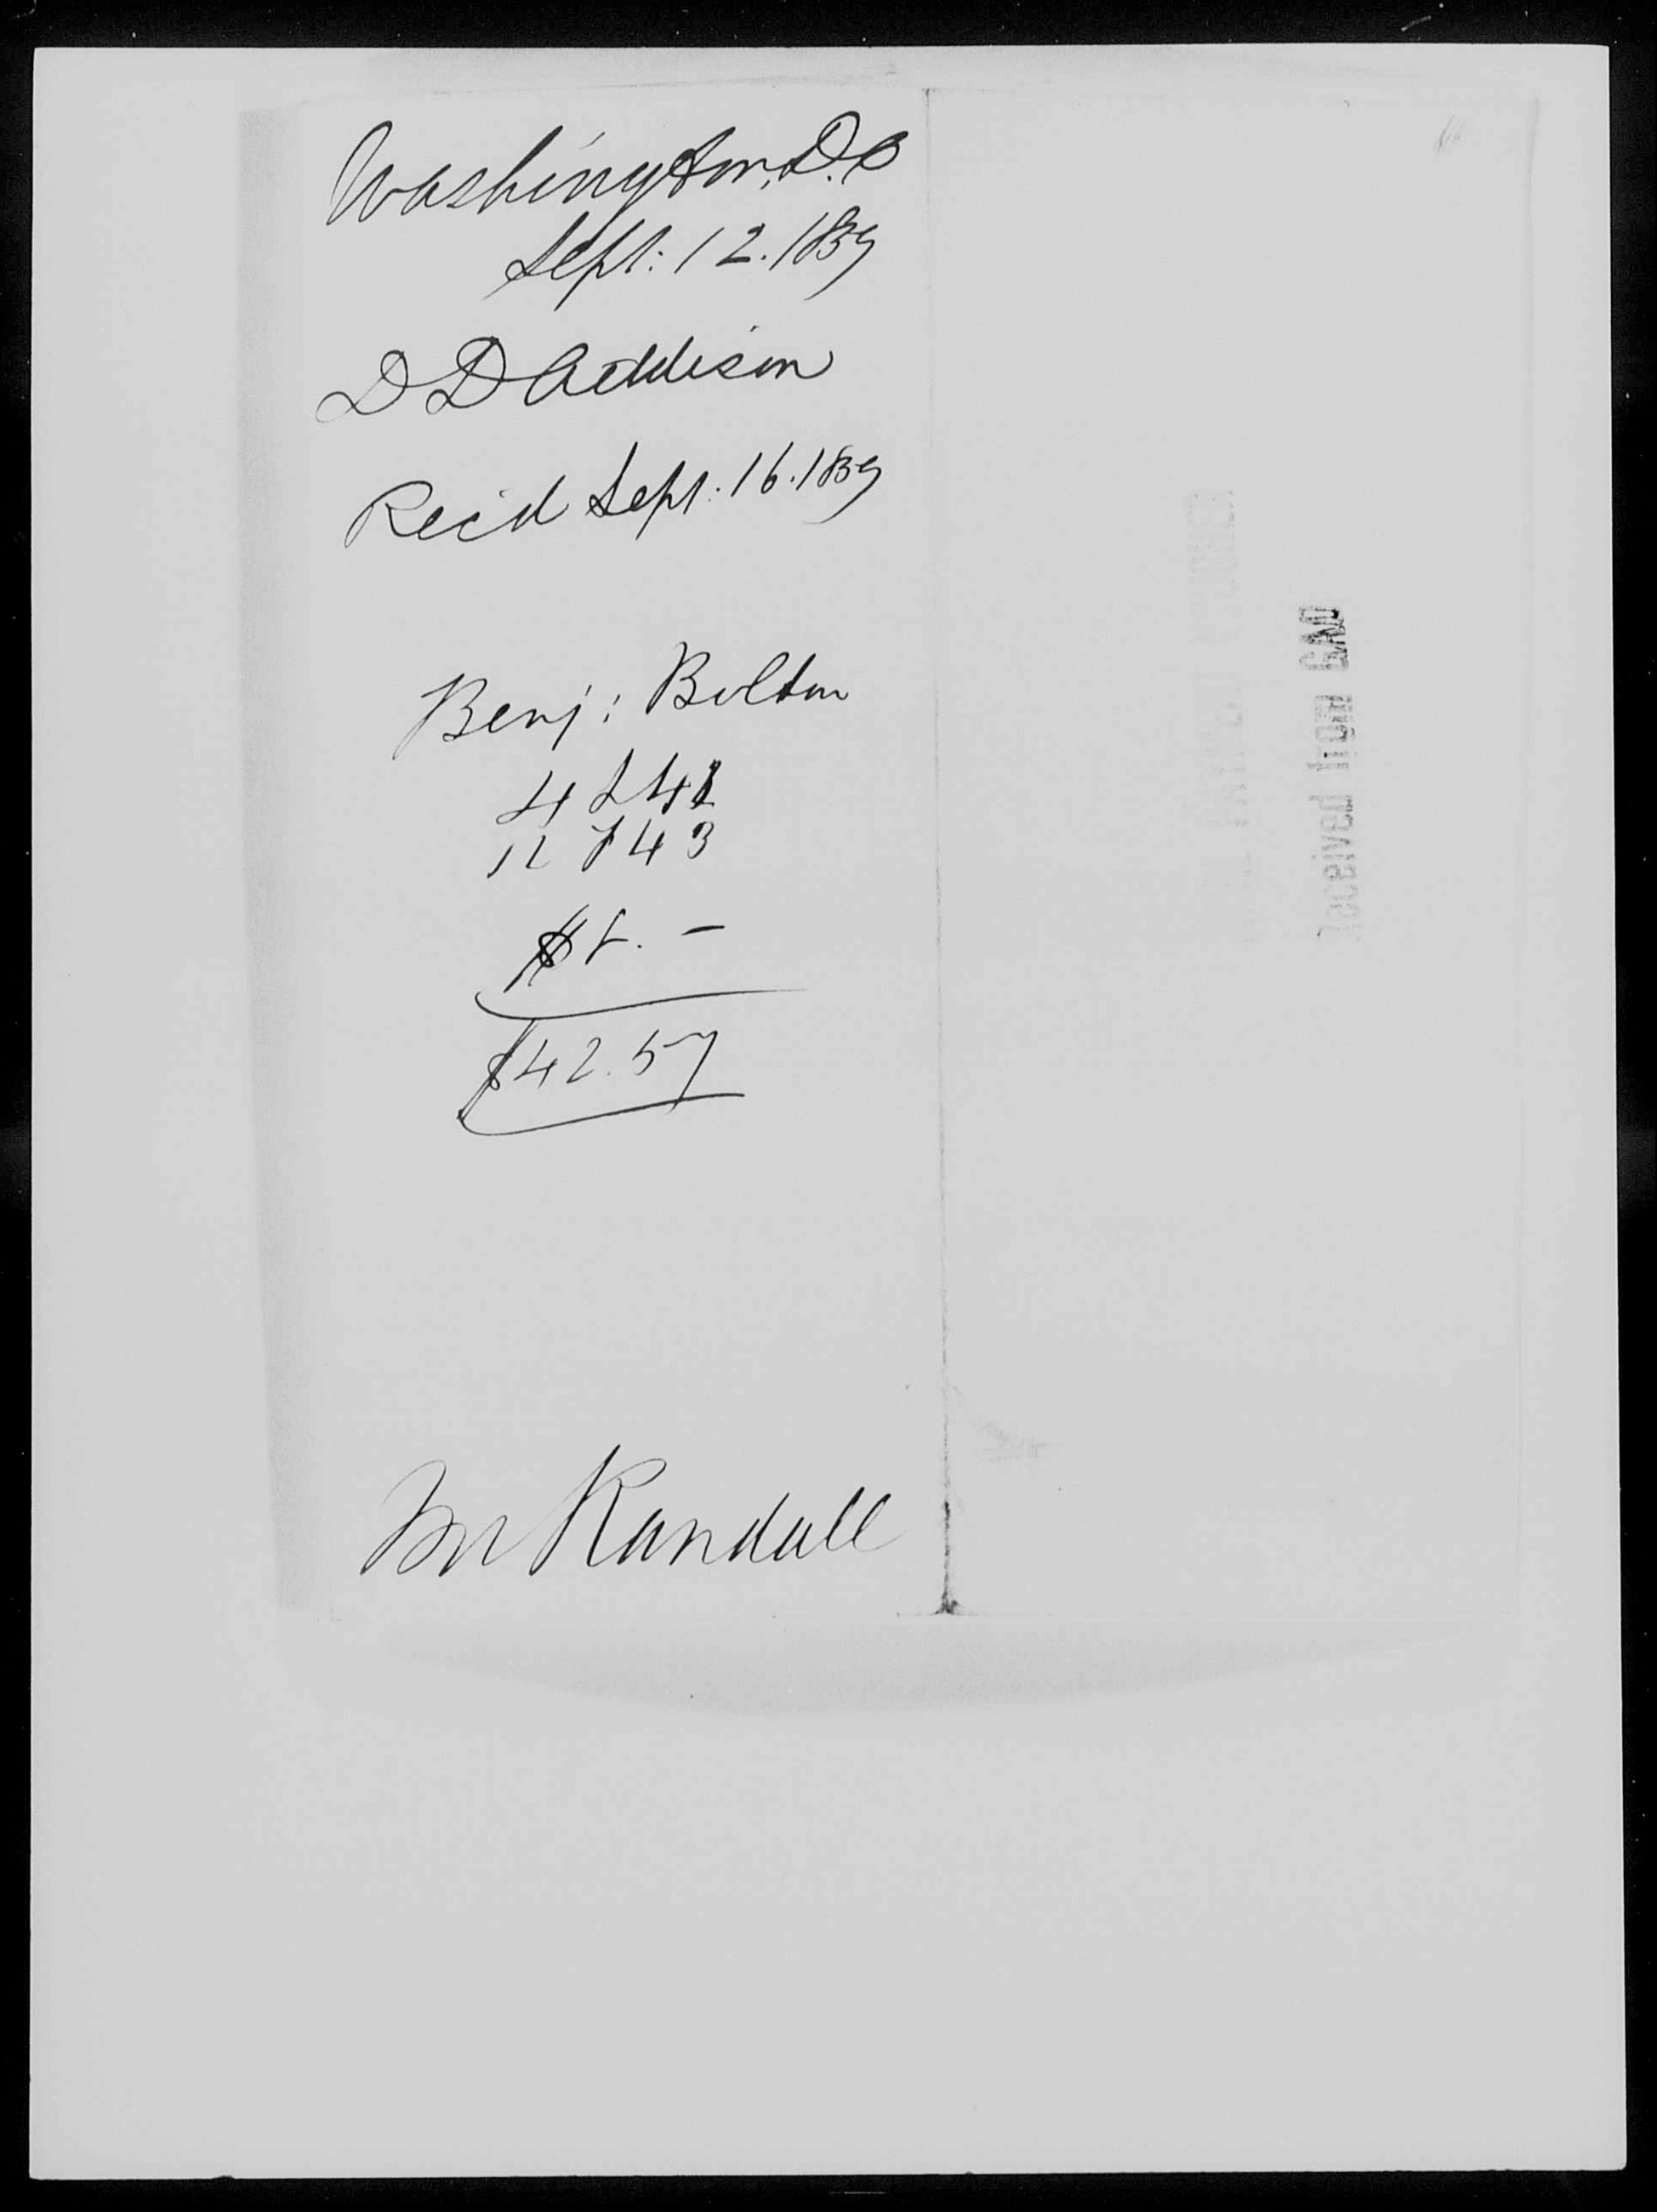Washington DC
Sept.12.1839
D D Addison
Rec'd Sept. 16. 1839
Benj: Bolton
[illegible]
[illegible]
[illegible]
-----
$42.57
------
Mr Randall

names: Randall, Benj Bolton, D D Addison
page: 29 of 29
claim: survivor's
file: S. 37,795, Benjamin Bolton, N.C.